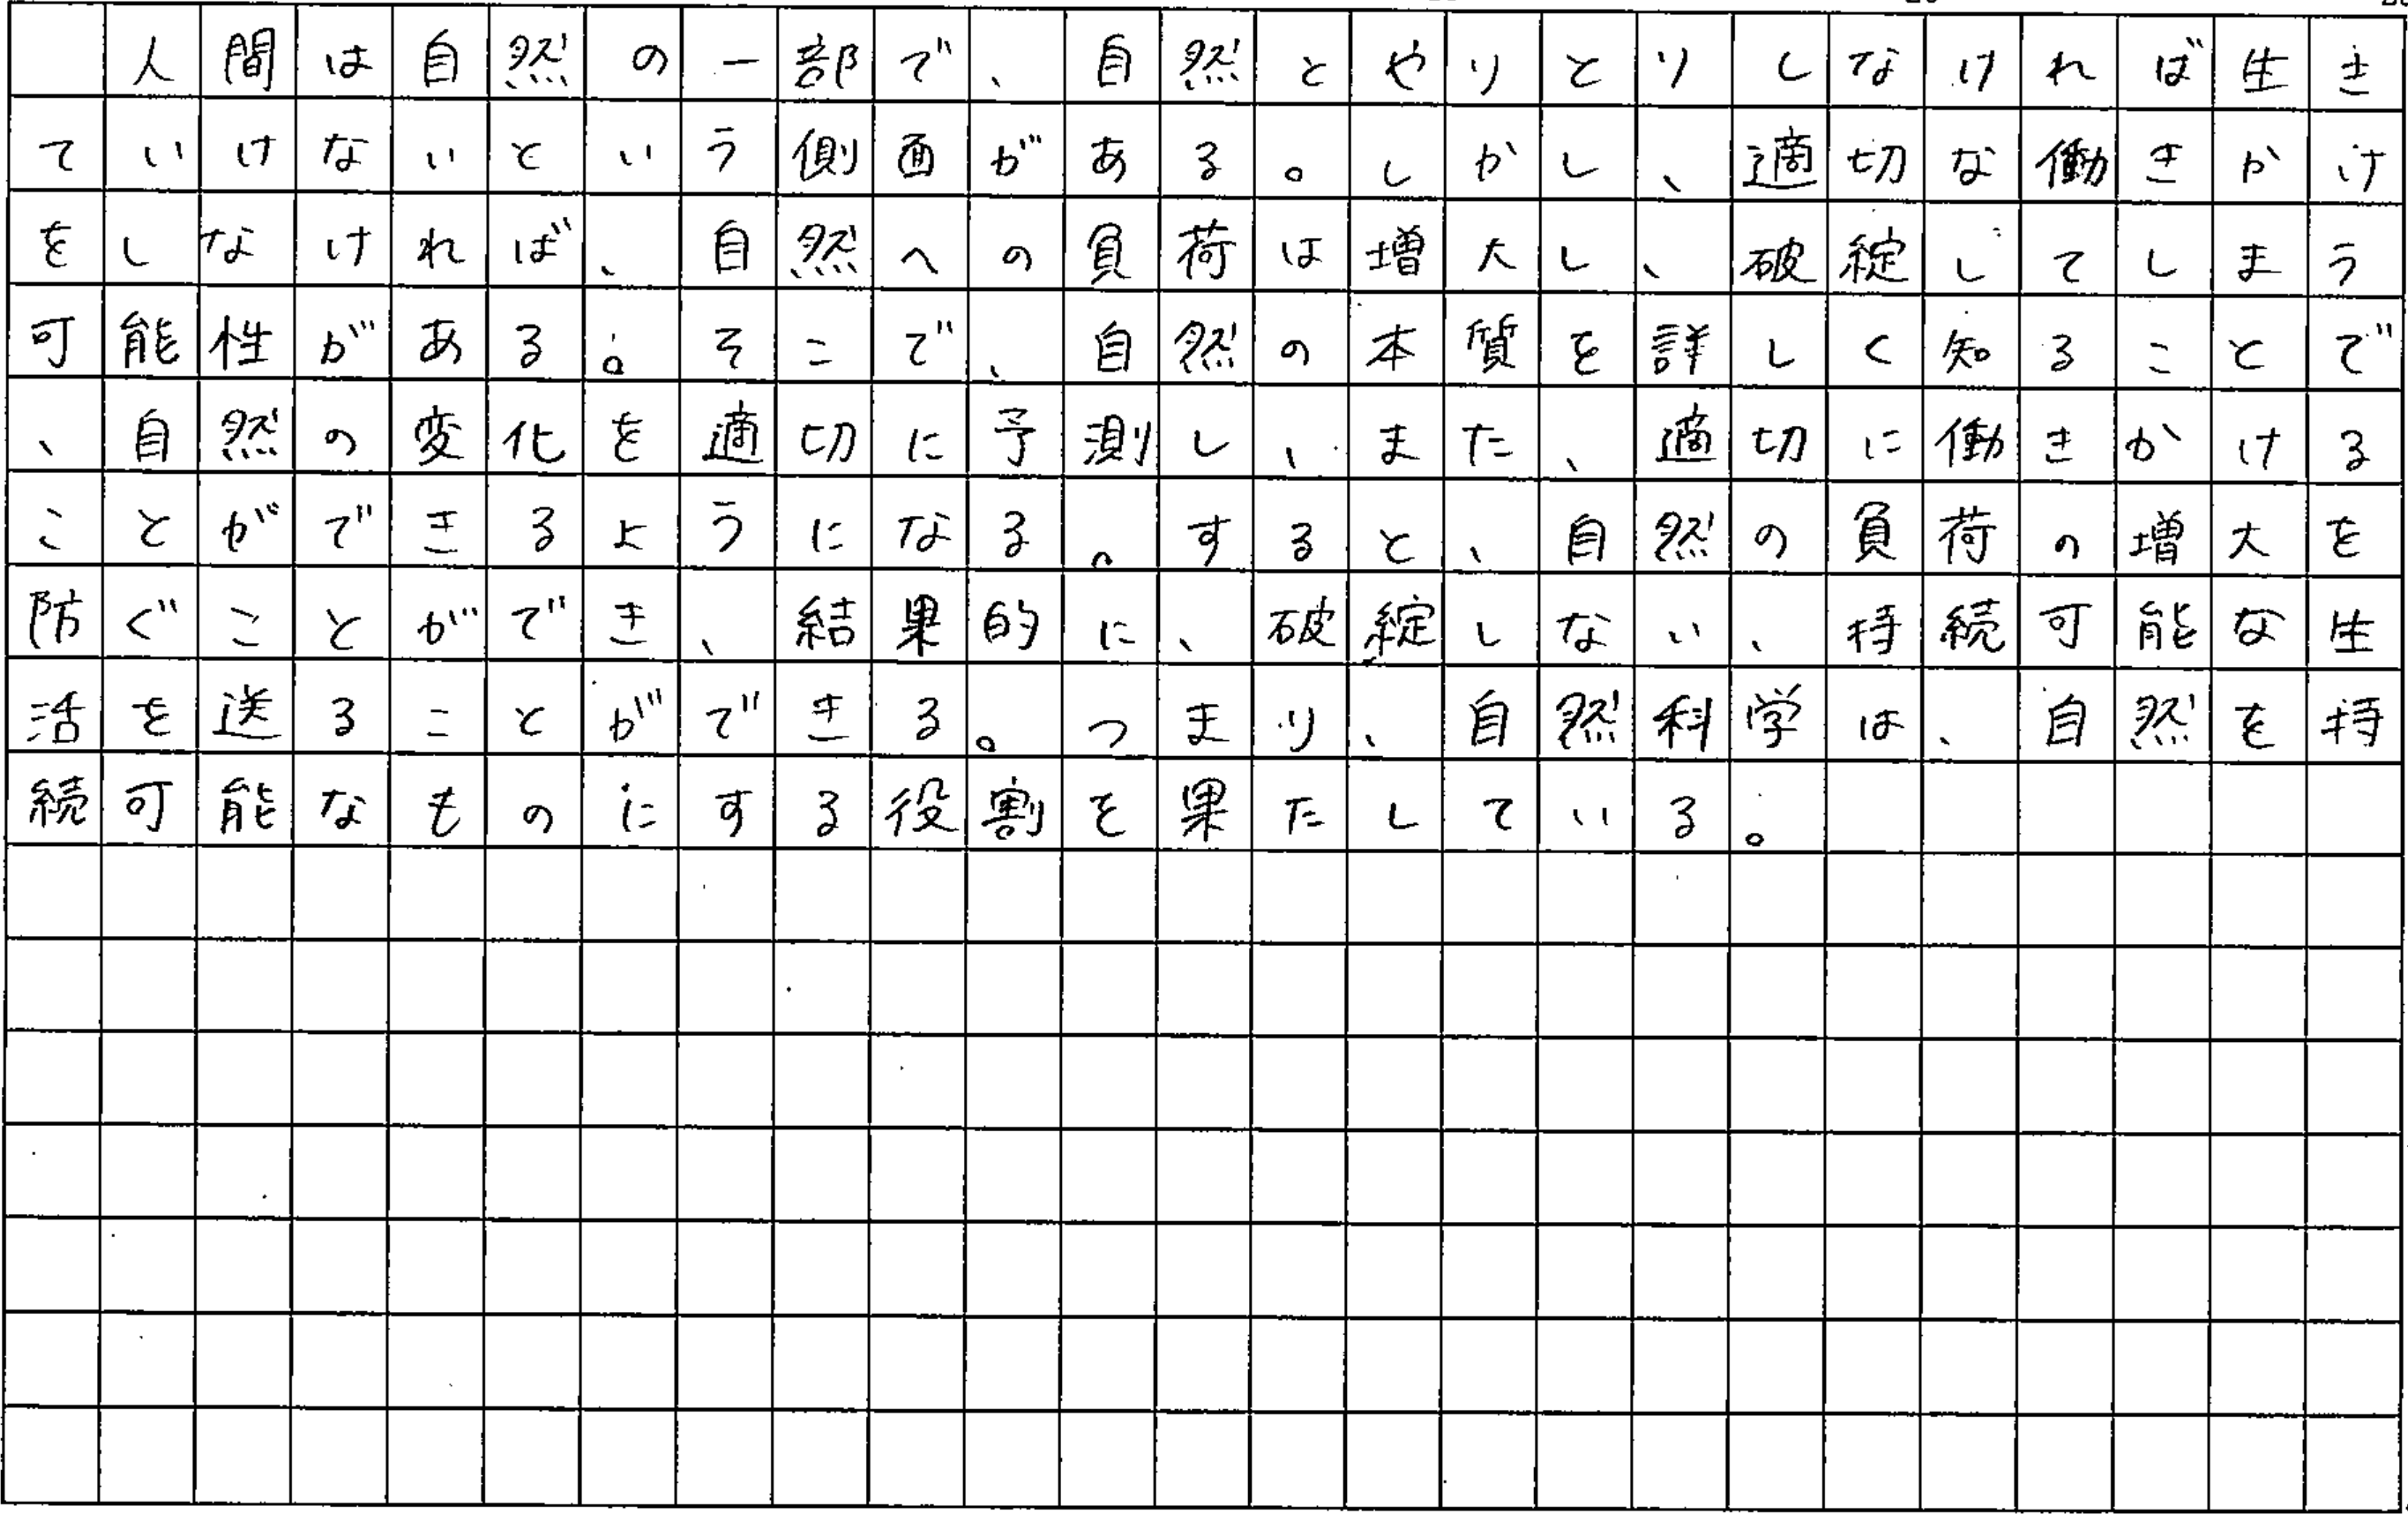　人間は自然の一部で、自然とやりとりしなければ生きていけないという側面がある。しかし、適切な働きかけをしなければ、自然への負荷は増大し、破綻してしまう可能性がある。そこで、自然の本質を詳しく知ることで、自然の変化を適切に予測し、また、適切に働きかけることができるようになる。すると、自然の負荷の増大を防ぐことができ、結果的に、破綻しない、持続可能な生活を送ることができる。つまり、自然科学は、自然を持続可能なものにする役割を果たしている。
